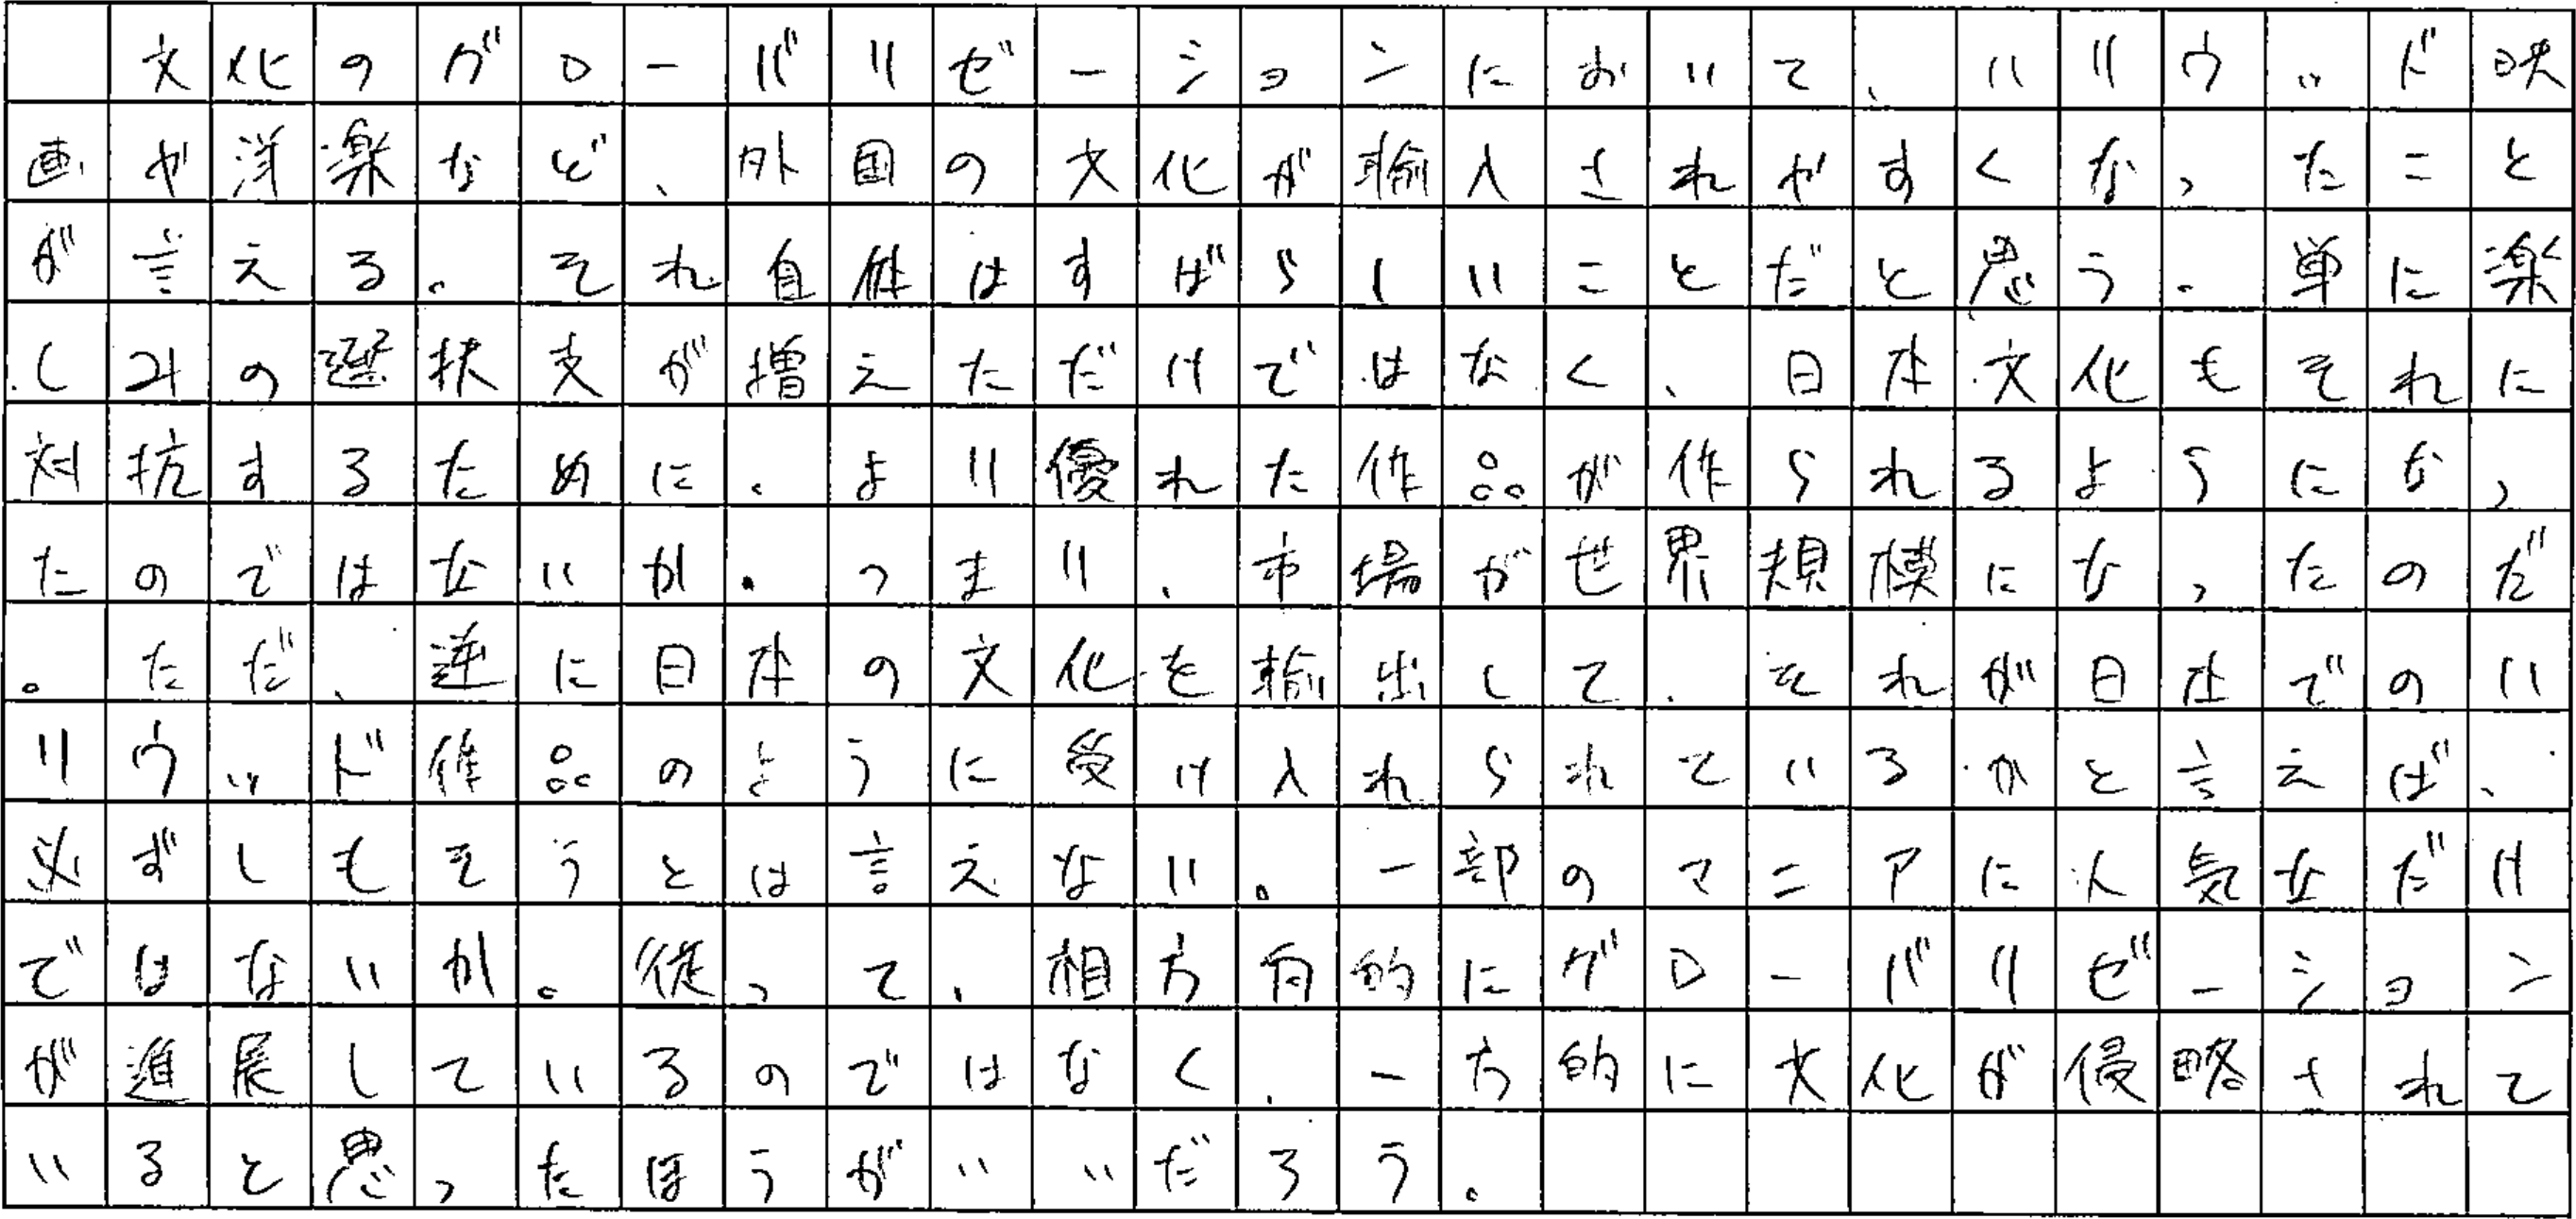　文化のグローバリゼーションにおいて、ハリウッド映画や洋楽など、外国の文化が輸入されやすくなったことが言える。それ自体はすばらしいことだと思う。単に楽しみの選択支が増えただけではなく、日本文化もそれに対抗するために、より優れた作品が作られるようになったのではないか。つまり、市場が世界規模になったのだ。ただ、逆に日本の文化を輸出して、それが日本でのハリウッド作品のように受け入れられているかと言えば、必ずしもそうとは言えない。一部のマニアに人気なだけではないか。従って、相方向的にグローバリゼーションが進展しているのではなく、一方的に文化が侵略されていると思ったほうがいいだろう。
